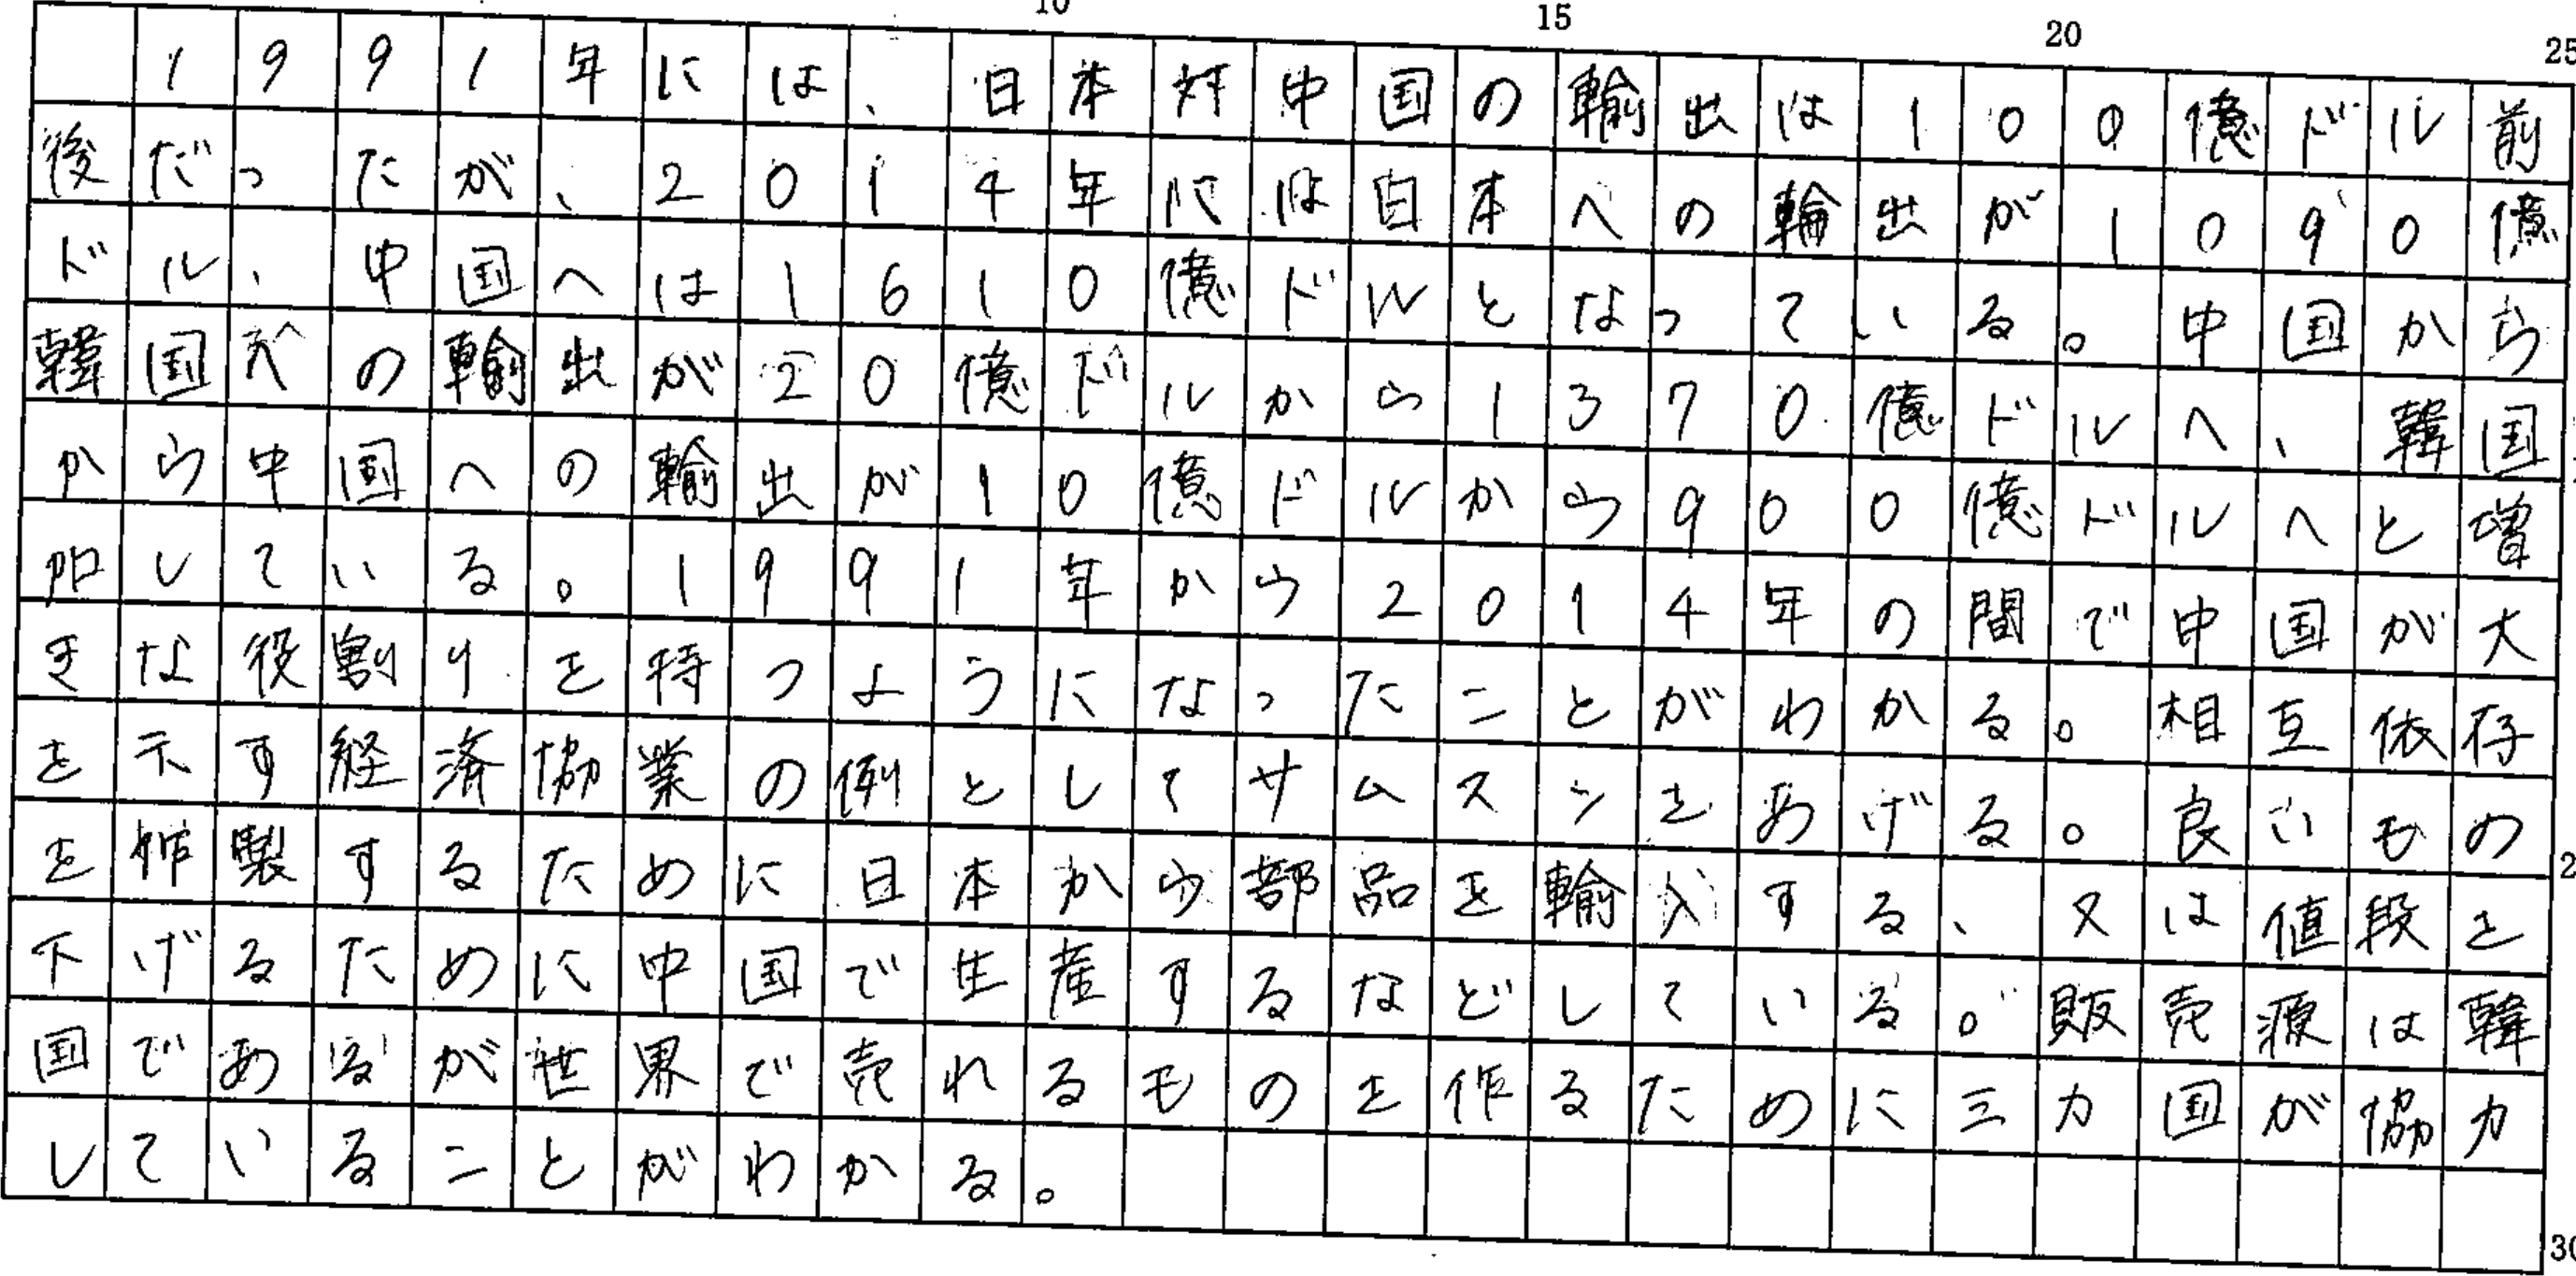　１９９１年には、日本対中国の輸出は１００億ドル前後だったが、２０１４年には日本への輸出が１０９０億ドル、中国へは１６１０億ドルとなっている。中国から韓国への輸出が２０億ドルから１３７０億ドルへ、韓国から中国への輸出が１０億ドルから９００億ドルへと増加している。１９９１年から２０１４年の間で中国が大きな役割りを持つようになったことがわかる。相互依存を示す経済協業の例としてサムスンをあげる。良いものを作製するために日本から部品を輸入する、又は値段を下げるために中国で生産するなどしている。販売源は韓国であるが世界で売れるものを作るために三カ国が協力していることがわかる。
